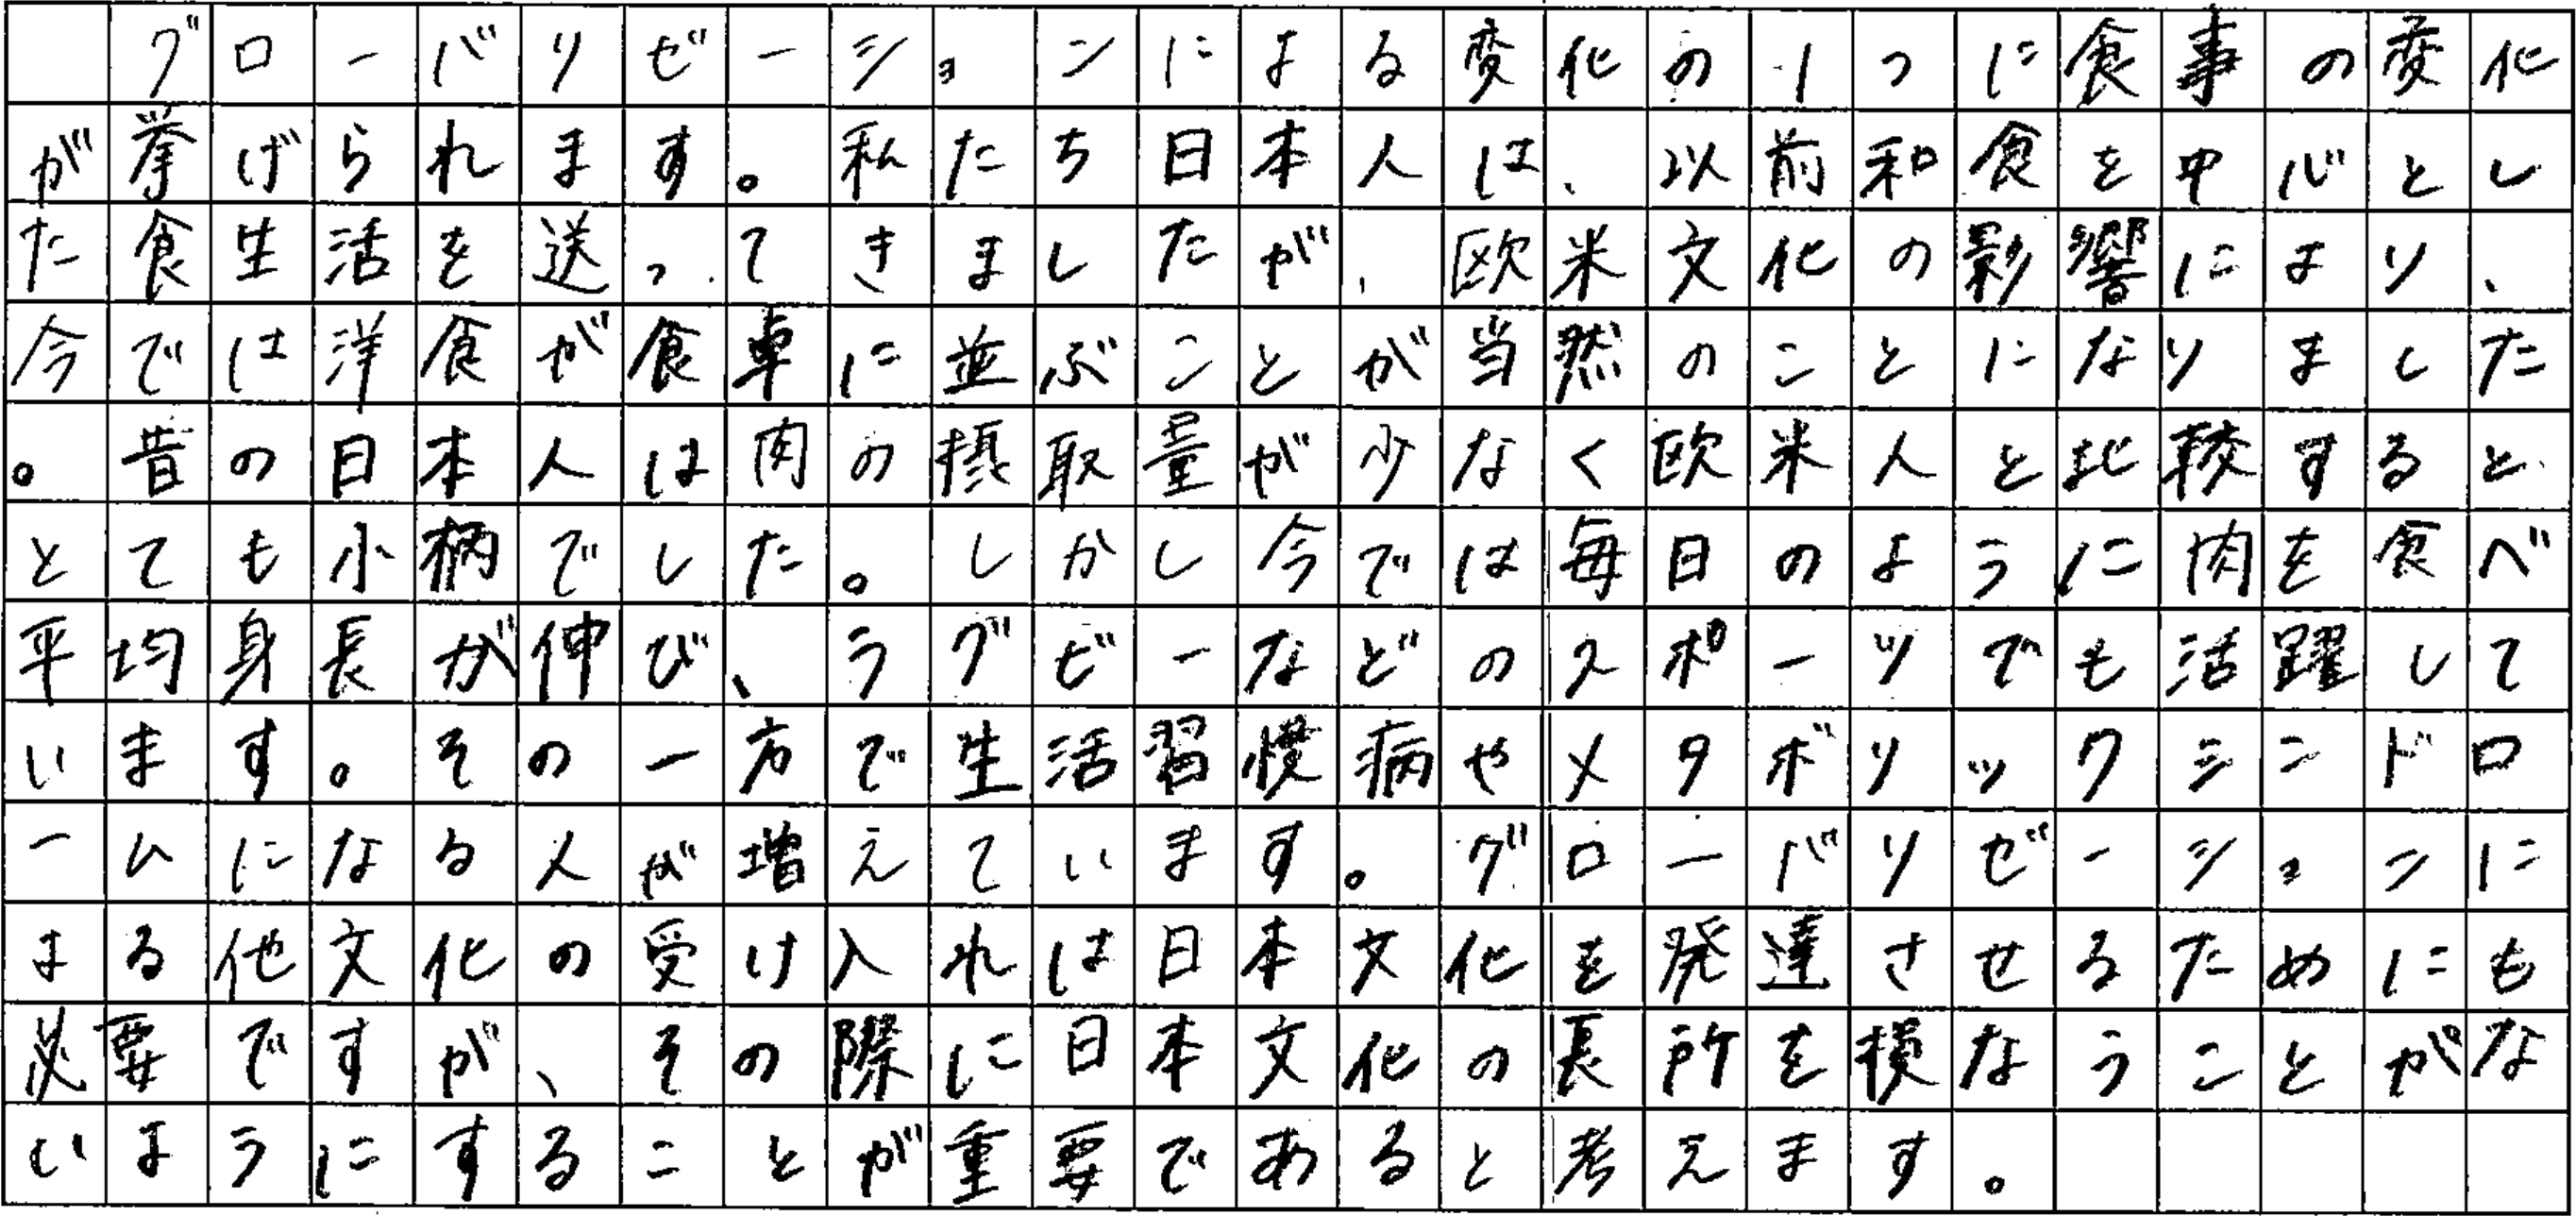　グローバリゼーションによる変化の１つに食事の変化が挙げられます。私たち日本人は、以前和食を中心とした食生活を送ってきましたが、欧米文化の影響により、今では洋食が食卓に並ぶことが当然のことになりました。昔の日本人は肉の摂取量が少なく欧米人と比較するととても小柄でした。しかし今では毎日のように肉を食べ平均身長が伸び、ラグビーなどのスポーツでも活躍しています。その一方で生活習慣病やメタボリックシンドロームになる人が増えています。グローバリゼーションによる他文化の受け入れは日本文化を発達させるためにも必要ですが、その際に日本文化の長所を損なうことがないようにすることが重要であると考えます。
